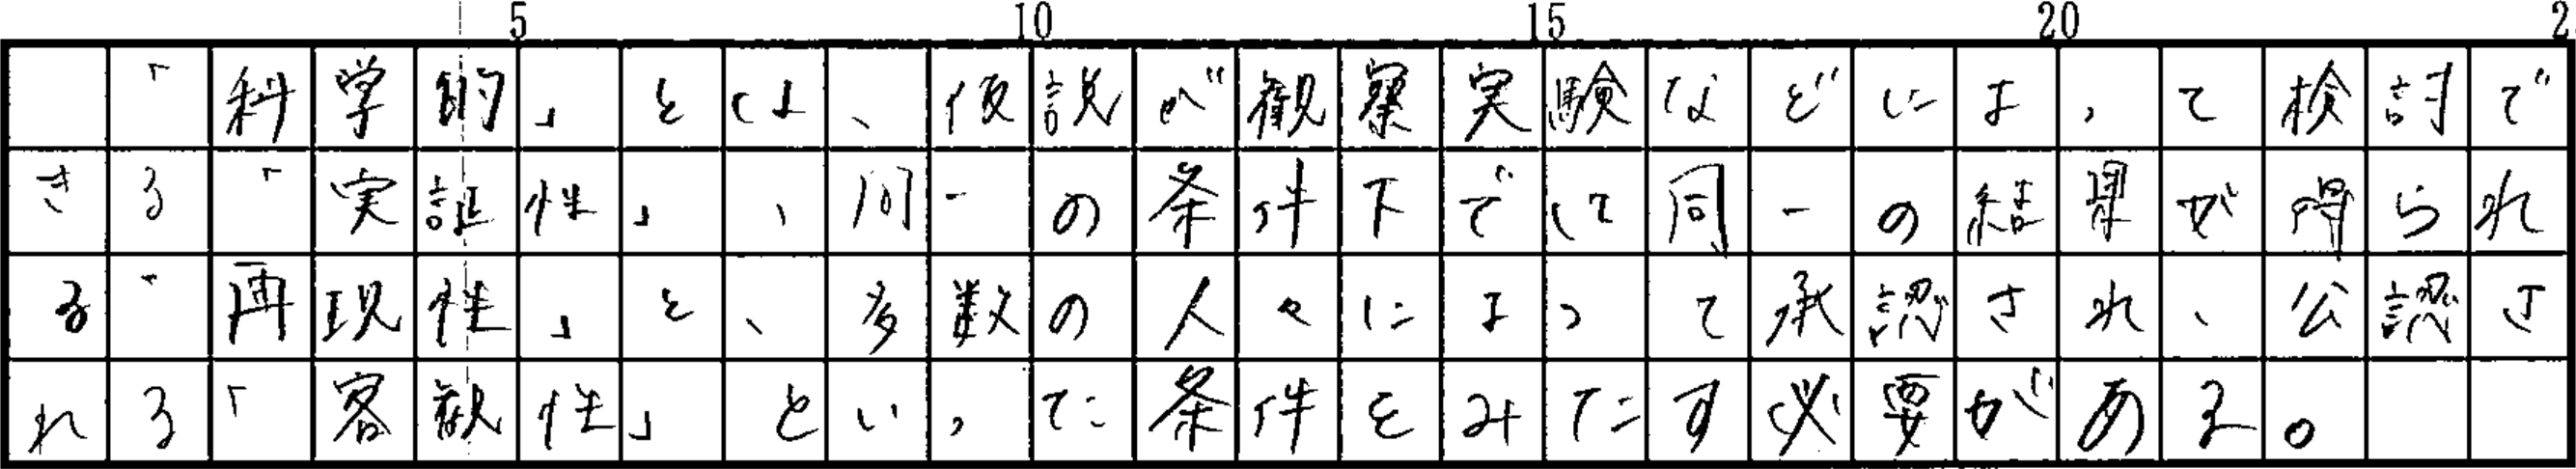　「科学的」とは、仮説が観察実験などによって検討できる「実証性」、同一の条件下では同一の結果が得られる「再現性」と、多数の人々によって承認され、公認される「客観性」といった条件をみたす必要がある。
